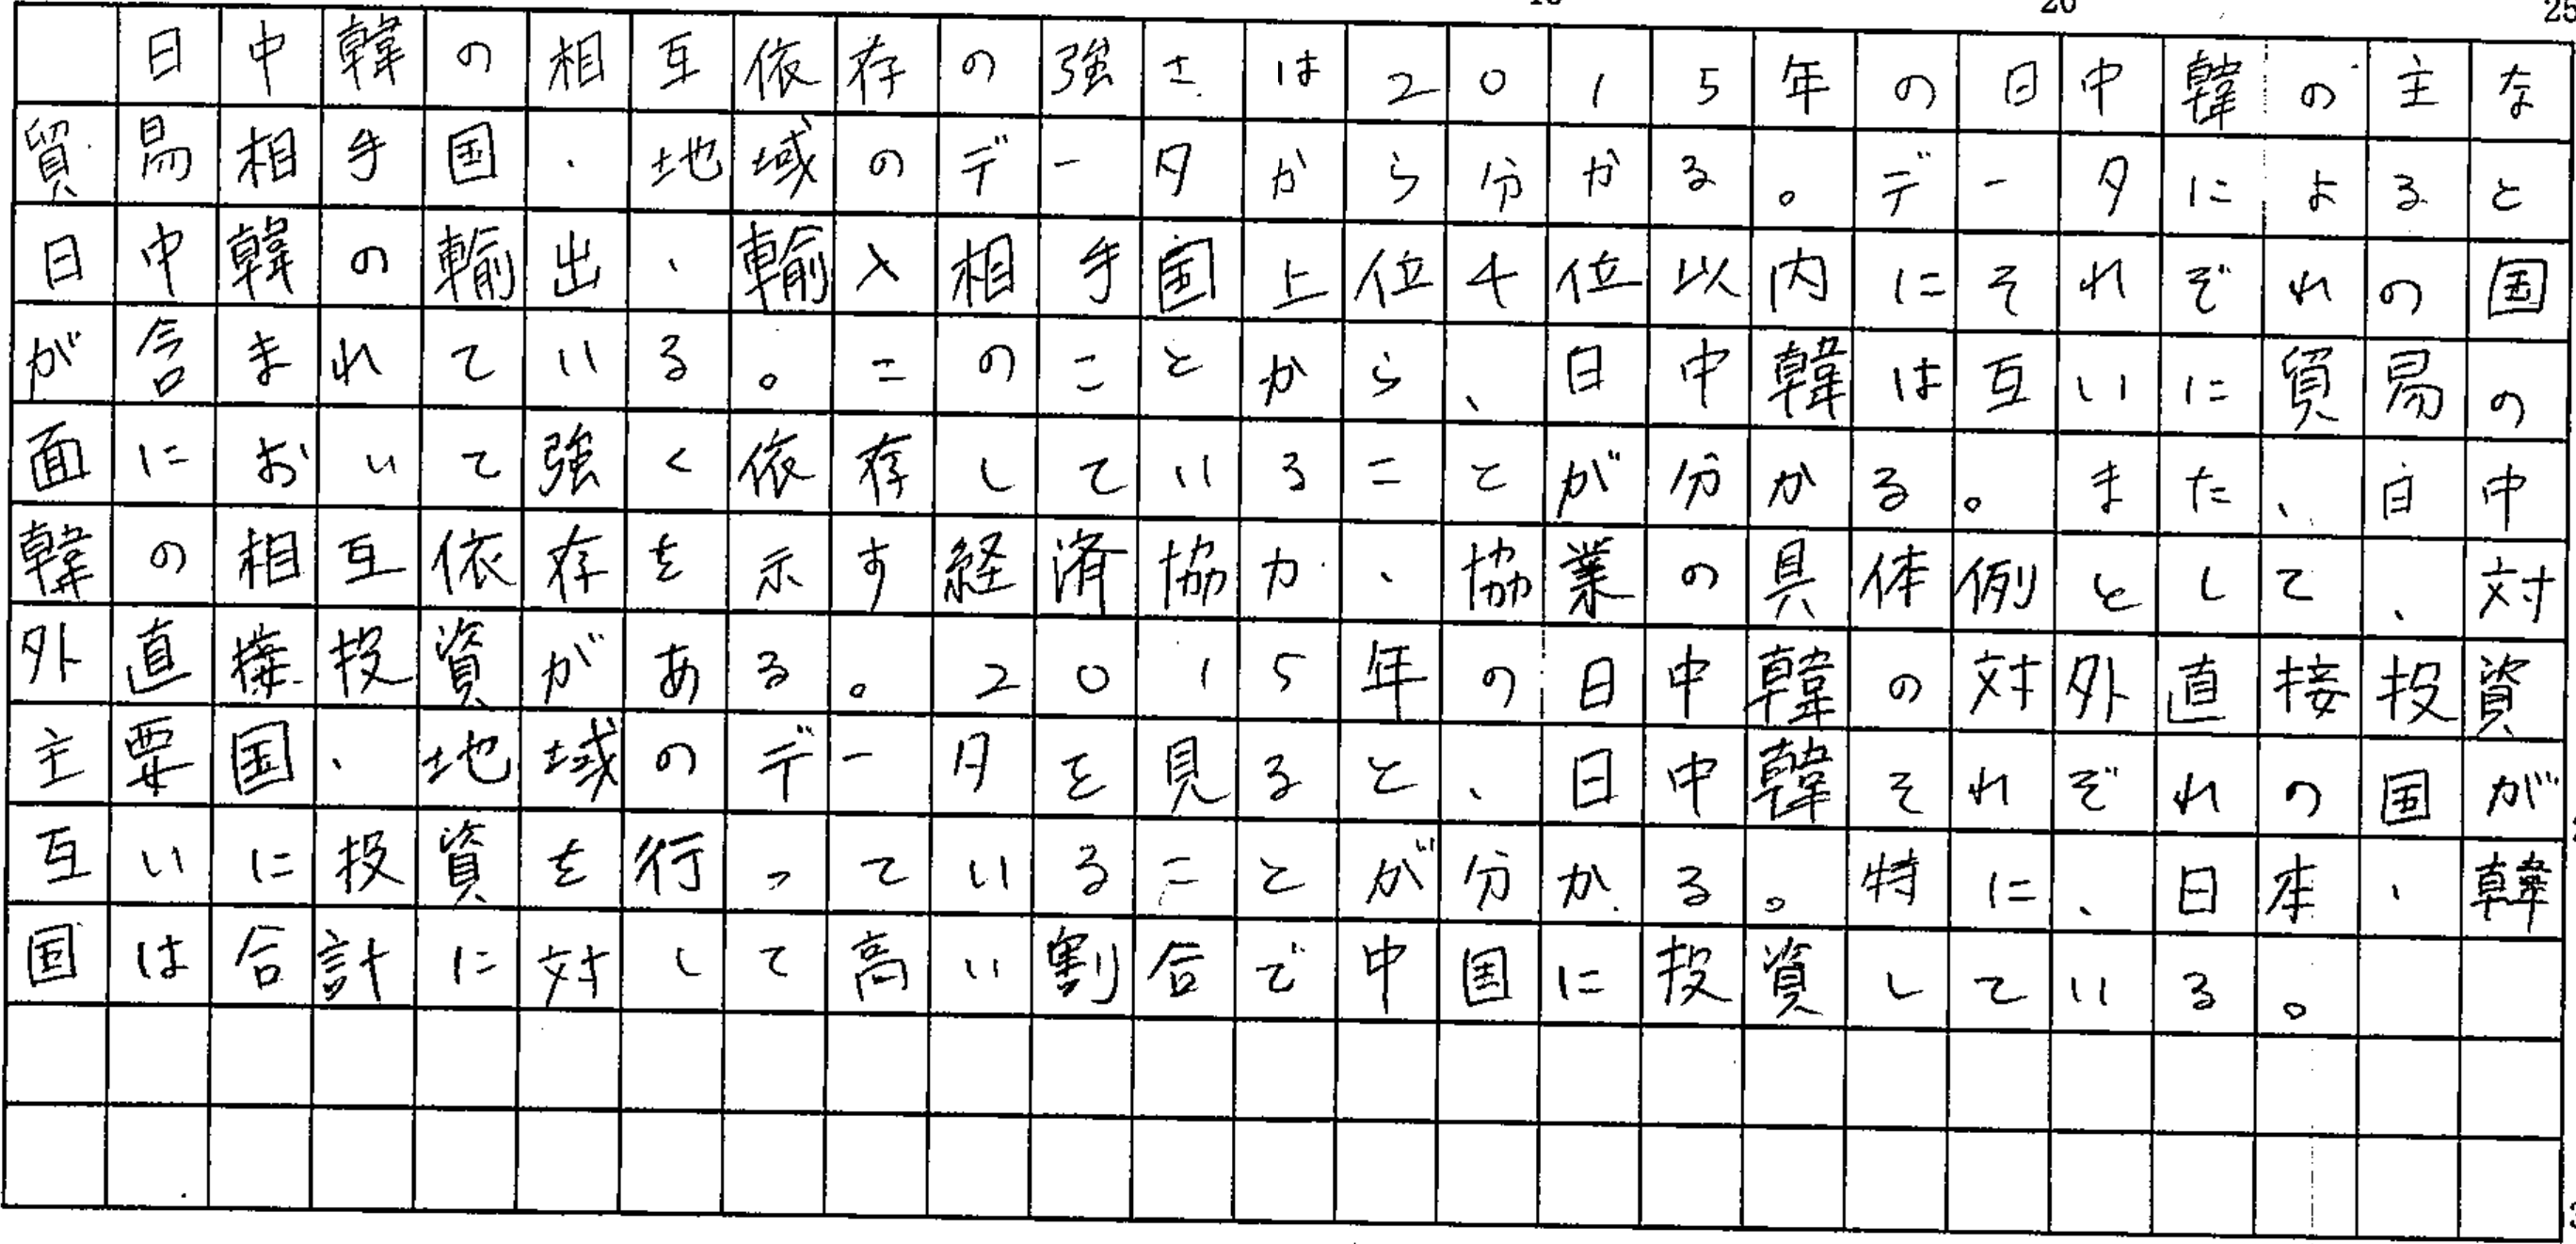　日中韓の相互依存の強さは２０１５年の日中韓の主な貿易相手国・地域のデータから分かる。データによると日中韓の輸出・輸入相手国上位４位以内にそれぞれの国が含まれている。このことから、日中韓は互いに貿易の面において強く依存していることが分かる。また、日中韓の相互依存を示す経済協力・協業の具体例として、対外直接投資がある。２０１５年の日中韓の対外直接投資主要国・地域のデータを見ると、日中韓それぞれの国が互いに投資を行っていることが分かる。特に、日本・韓国は合計に対して高い割合で中国に投資している。
